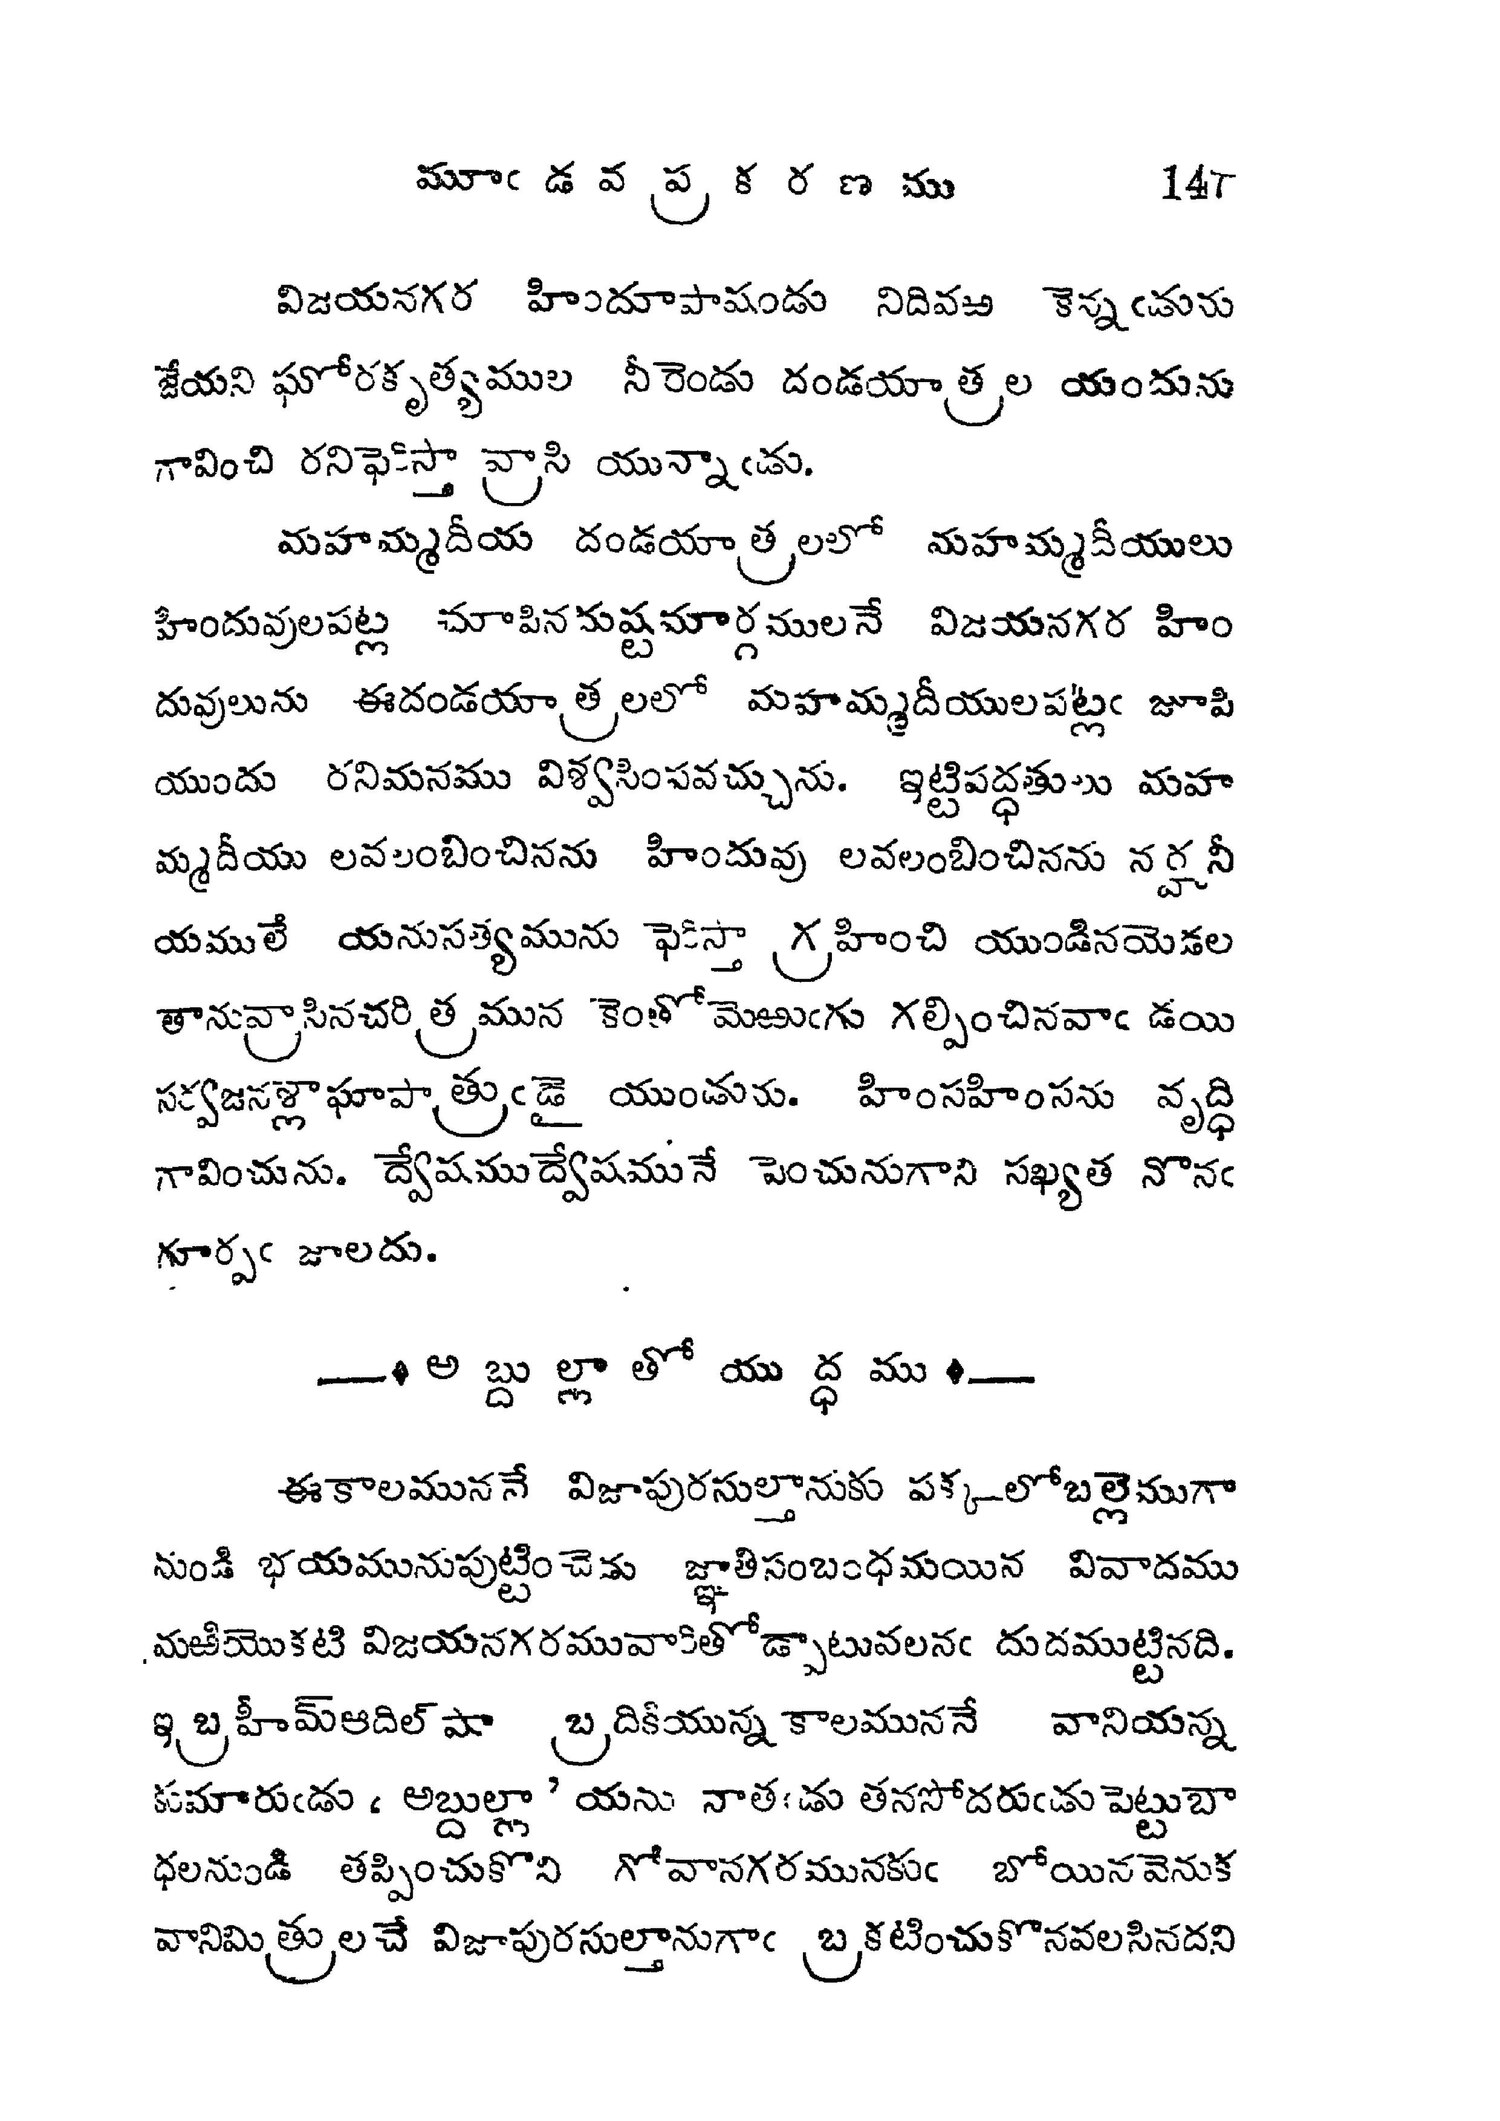విజయనగర హిందూపాషండు నిదివఱ కెన్నడును జేయని ఘోరకృత్యముల నీరెండు దండయాత్రల యందును గావించి రనిఫెరిస్తా వ్రాసి యున్నాడు.

మహమ్మదీయ దండయాత్రలలో మహమ్మదీయులు హిందువులపట్ల చూపినదుష్టమార్గములనే విజయనగర హిందువులును ఈదండయాత్రలలో మహమ్మదీయులపట్ల జూపియుందు రనిమనము విశ్వసింపవచ్చును. ఇట్టిపద్ధతులు మహమ్మదీయు లవలంబించినను హిందువు లవలంబించినను నర్హనీయములే యనుసత్యమును ఫెరిస్తా గ్రహించి యుండినయెడల తానువ్రాసినచరిత్రమున కెంతోమెఱుగు గల్పించినవా డయి సర్వజనశ్లాఘాపాత్రుడై యుండును. హింసహింసను వృద్ధి గావించును. ద్వేషముద్వేషమునే పెంచునుగాని సఖ్యత నొనగూర్ప జాలదు.

ఈకాలముననే విజాపురసుల్తానుకు పక్కలోబల్లెముగా నుండి భయమునుపుట్టించెడు జ్ఞాతిసంబంధమయిన వివాదము మఱియొకటి విజయనగరమువారితోడ్పాటువలన దుదముట్టినది. ఇబ్రహీమ్‌ఆదిల్‌షా బ్రదికియున్న కాలముననే వానియన్న కుమారుడు 'అబ్దుల్లా'యను నాతడు తనసోదరుడు పెట్టుబాధలనుండి తప్పించుకొని గోవానగరమునకు బోయినవెనుక వానిమిత్రులచే విజాపురసుల్తానుగా బ్రకటించుకొనవలసినదని